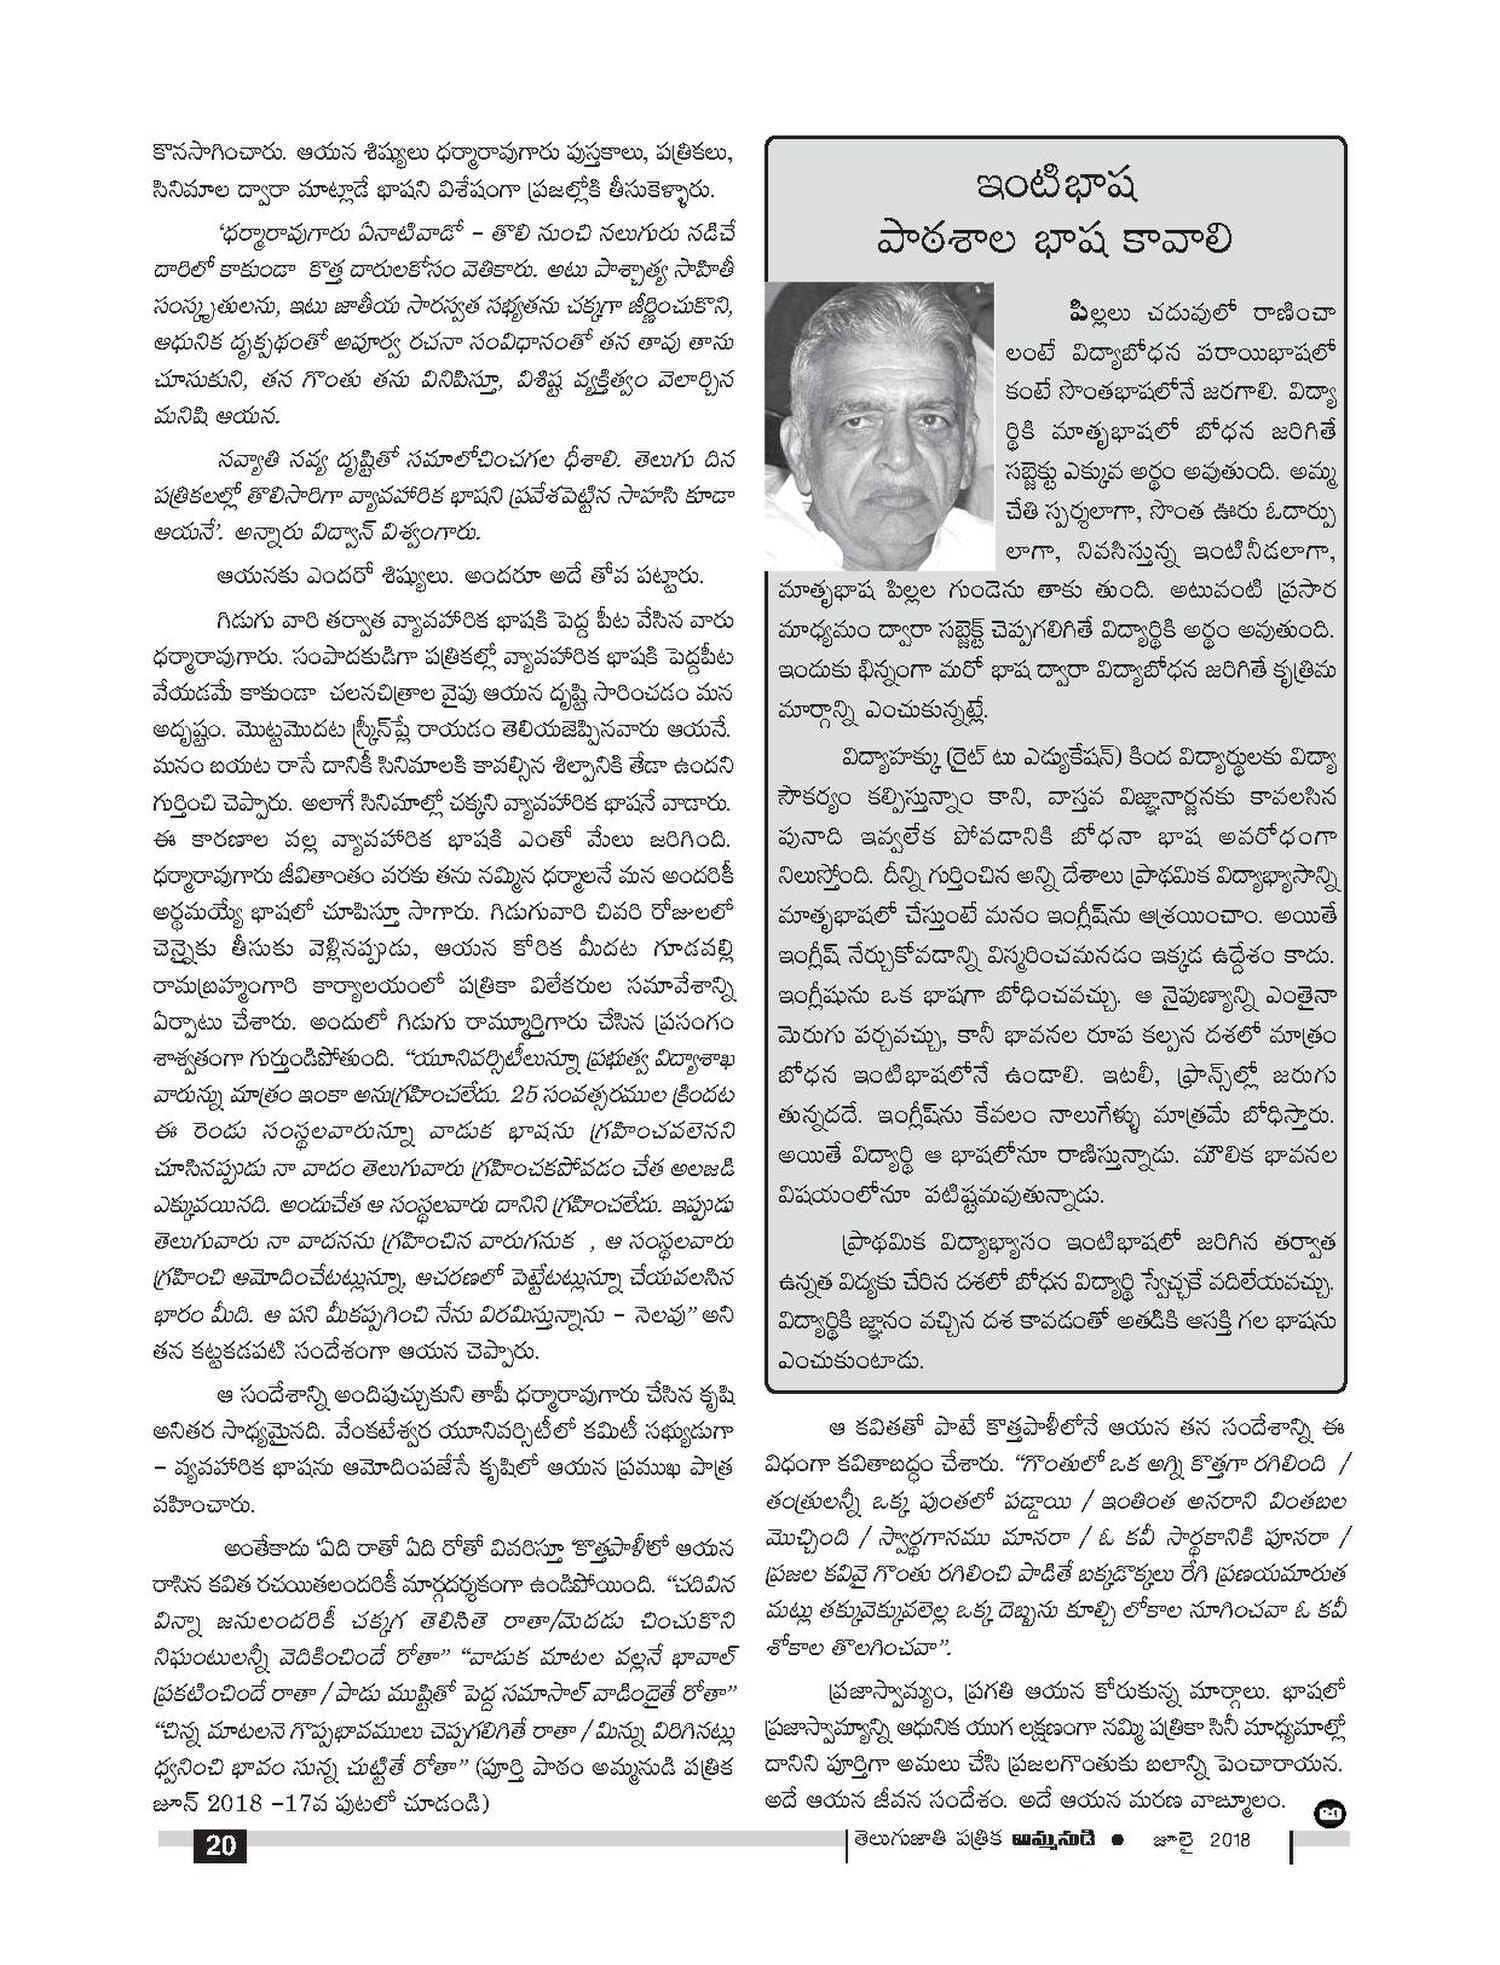కొనసాగించారు. ఆయన శిష్యులు ధర్మారావుగారు పుస్తకాలు, పత్రికలు, సినిమాల ద్వారా మాట్లాడే భాషని విశేషంగా ప్రజల్లోకి తీసుకెళ్ళారు.

'ధర్మారావుగారు ఏనాటివాడో - తొలి నుంచి నలుగురు నడిచే దారిలో కాకుండా కొత్త దారులకోసం వెతికారు. అటు పాశ్చాత్య సాహితీ సంస్కృతులను, ఇటు జాతీయ సారస్వత సభ్యతను చక్కగా జీర్ణించుకొని, అధునిక దృక్పథంతో అపూర్వ రచనా సంవిధానంతో తన తావు తాను చూనుకుని, తన గొంతు తను వినిపిస్తూ, విసిష్ట వ్యక్తిత్వం వెలార్చిన మనిషి ఆయన.

నవ్యాతి నవ్య దృష్టితో నమాలోచించగల ధీశాలి. తెలుగు దిన వత్రికలల్లో తొలిసారిగా వ్యావహారిక భాషని ప్రవేశపెట్టిన సాహసి కూడా ఆయనే: అన్నారు విద్వాన్‌ విశ్చంగారు.

ఆయనకు ఎందరో శిష్యులు. అందరూ అదే తోవ పట్టారు.

గిడుగు వారి తర్వాత వ్యావహారిక భాషకి పెద్ద పీట వేసిన వారు ధర్మారావుగారు. సంపాదకుడిగా పత్రికల్లో వ్యావహారిక భాషకి పెద్దపీట వేయడమే కాకుండా చలనచిత్రాల వైపు ఆయన దృష్టి సారించడం మన అదృష్టం. మొట్టమొదట స్క్రీన్‌ప్లే రాయడం తెలియజెప్పినవారు ఆయనే. మనం బయట రాసే దానికీ సినిమాలకి కావల్సిన శిల్పానికి తేడా ఉందని గుర్తించి చెప్పారు. అలాగే సినిమాల్లో చక్కని వ్యావహారిక భాషనే వాడారు. ఈ కారణాల వల్ల వ్యావహారిక భాషకి ఎంతో మేలు జరిగింది.
ధర్మారావుగారు జీవితాంతం వరకు తను నమ్మిన ధర్మాలనే మన అందరికీ అర్ధమయ్యే భాషలో చూపిస్తూ సాగారు. గిడుగువారి చివరి రోజులలో చెన్నైకు తీసుకు వెళ్లినప్పుడు, ఆయన కోరిక మీదట గూడవల్లి రామబ్రహ్మంగారి కార్యాలయంలో పత్రికా విలేకరుల సమావేశాన్ని ఏర్పాటు చేశారు. అందులో గిడుగు రామ్మూర్తిగారు చేసిన ప్రసంగం శాశ్వతంగా గుర్తుండిపోతుంది. “యూనివర్సిటీలున్నూ ప్రభుత్వ విద్యాశాఖ వారున్ను మాత్రం ఇంకా అనుగ్రహించలేదు. 25 సంవత్సరముల క్రిందట ఈ రెండు నంస్థలవారున్నూ వాడుక భాషను గ్రహించవలెనని చూసినప్పుడు నా వాదం తెలుగువారు గ్రహించకపోవడం చేత అలజడి ఎక్కువయినది. అందుచేత ఆ నంస్ధలవారు దానిని గ్రహించలేదు. ఇప్పుడు తెలుగువారు నా వాదనను గ్రహించిన వారుగనుక , ఆ సంస్థలవారు గ్రహించి ఆమోదించేటట్లున్నూ. ఆచరణలో పెట్టేటట్లున్నూ చేయవలసిన భారం మీది. ఆ పని మీకప్పగించి నేను విరమిస్తున్నాను - సెలవు” అని తన కట్టకడపటి సందేశంగా ఆయన చెప్పారు.

ఆ సందేశాన్ని అందిపుచ్చుకుని తాపీ ధర్మారావుగారు చేసిన కృషి అనితర సాధ్యమైనది. వేంకటేశ్వర యూనివర్సిటీలో కమిటీ సభ్యుడుగా - వ్యవహారిక భాషను ఆమోదింపజేసే కృషిలో ఆయన ప్రముఖ పాత్ర వహించారు.

అంతేకాదు 'ఏది రాతో ఏది రోతో వివరిస్తూ 'కొత్తపాళీ'లో ఆయన రాసిన కవిత రచయితలందరికీ మార్గదర్శకంగాఉండిపోయింది. “చదివిన విన్నా జనులందరికీ చక్కగ తెలిసితె రాతా/మెదడు చించుకొని నిఘంటులన్నీ వెదికించిందే రోతా” “వాడుక మాటల వల్లనే భావాల్‌ ప్రకటించిందే రాతా/పాడు ముష్టితో పెద్ద సమాసాల్‌ వాడిందైతే రోతా” “చిన్న మాటలనె గొప్పభావములు చెప్పగలిగితే రాతా / మిన్ను విరిగినట్లు ధ్వనించి భావం సున్న చుట్టితే రోతా” (పూర్తి పాఠం అమ్మనుడి పత్రిక
జూన్‌ 2018 -17వ పుటలో చూడండి)

ఆ కవితతో పాటే కొత్తపాళీలోనే ఆయన తన సందేశాన్ని ఈ విధంగా కవితాబద్ధం చేశారు. “గొంతులో ఒక అగ్ని కొత్తగా రగిలింది / తంత్రులన్నీ ఒక్క పుంతలో పడ్డాయి / ఇంతింత అనరాని వింతబల
మొచ్చింది / స్వార్ధగానము మానరా / ఓ కవీ సార్ధకానికి వూనరా / ప్రజల కవివై గొంతు రగిలించి పాడితే బక్కడొక్కలు రేగి ప్రణయమారుత మట్లు తక్కువెక్కువలెల్ల ఒక్క దెబ్బను కూల్చి లోకాల నూగించవా ఓ కవీ శోకాల తొలగించవా"

ప్రజాస్వామ్యం, ప్రగతి ఆయన కోరుకున్న మార్గాలు. భాషలో ప్రజాస్వామ్యాన్ని ఆధునిక యుగ లక్షణంగా నమ్మి పత్రికా సినీ మాధ్యమాల్లో దానిని పూర్తిగా అమలు చేసి ప్రజలగొంతుకు బలాన్ని పెంచారాయన.
అదే ఆయన జీవన సందేశం. అదే ఆయన మరణ వాఙ్మూలం.

 
ఇంటిభాష
పాఠశాల భాష కావాలి

పిల్లలు చదువులో రాణించాలంటే విద్యాబోధన పరాయిభాషలో కంటే సొంతభాషలోనే జరగాలి. విద్యార్థికి మాతృభాషలో బోధన జరిగితే సబ్జెక్టు ఎక్కువ అర్ధం అవుతుంది. అమ్మ చేతి స్పర్శలాగా, సొంత ఊరు ఓదార్పులాగా, నివసిస్తున్న ఇంటినీడలాగా, మాతృభాష పిల్లల గుండెను తాకు తుంది. అటువంటి ప్రసార మాధ్యమం ద్వారా సబ్జెక్ట్‌ చెప్పగలిగితే విద్యార్థికి అర్ధం అవుతుంది. ఇందుకు భిన్నంగా మరో భాష ద్వారా విద్యాబోధన జరిగితే కృత్రిమ మార్గాన్ని ఎంచుకున్నట్లే,

విద్యాహక్కు (రైట్‌ టు ఎడ్యుకేషన్‌) కింద విద్యార్థులకు విద్యా సౌకర్యం కల్పిస్తున్నాం కాని, వాస్తవ విజ్ఞానార్జనకు కావలసిన పునాది ఇవ్వలేక పోవడానికి బోధనా భాష అవరోధంగా నిలుస్తోంది. దీన్ని గుర్తించిన అన్ని దేశాలు ప్రాథమిక విద్యాభ్యాసాన్ని మాతృభాషలో చేస్తుంటే మనం ఇంగ్రీష్‌ను ఆశ్రయించాం. అయితే ఇంగ్లీష్‌ నేర్చుకోవడాన్ని విస్మరించమనడం ఇక్కడ ఉద్దేశం కాదు. ఇంగ్రీషును ఒక భాషగా బోధించవచ్చు. ఆ నైపుణ్యాన్ని ఎంతైనా మెరుగు పర్చవచ్చు, కానీ భావనల రూప కల్పన దశలో మాత్రం బోధన ఇంటిభాషలోనే ఉండాలి. ఇటలీ, ఫ్రాన్స్‌ల్లో జరుగుతున్నదదే. ఇంగ్రీష్‌ను కేవలం నాలుగేళ్ళు మాత్రమే బోధిస్తారు. అయితే విద్యార్థి ఆ భాషలోనూ రాణిస్తున్నాడు. మౌలిక భావనల
విషయంలోనూ పటిష్టమవుతున్నాడు.

ప్రాథమిక విద్యాభ్యాసం ఇంటిభాషలో జరిగిన తర్వాత ఉన్నత విద్యకు చేరిన దశలో బోధన విద్యార్థి స్వేచ్చకే వదిలేయవచ్చు. విద్యార్థికి జ్ఞానం వచ్చిన దశ కావడంతో అతడికి ఆసక్తి గల భాషను
ఎంచుకుంటాడు.